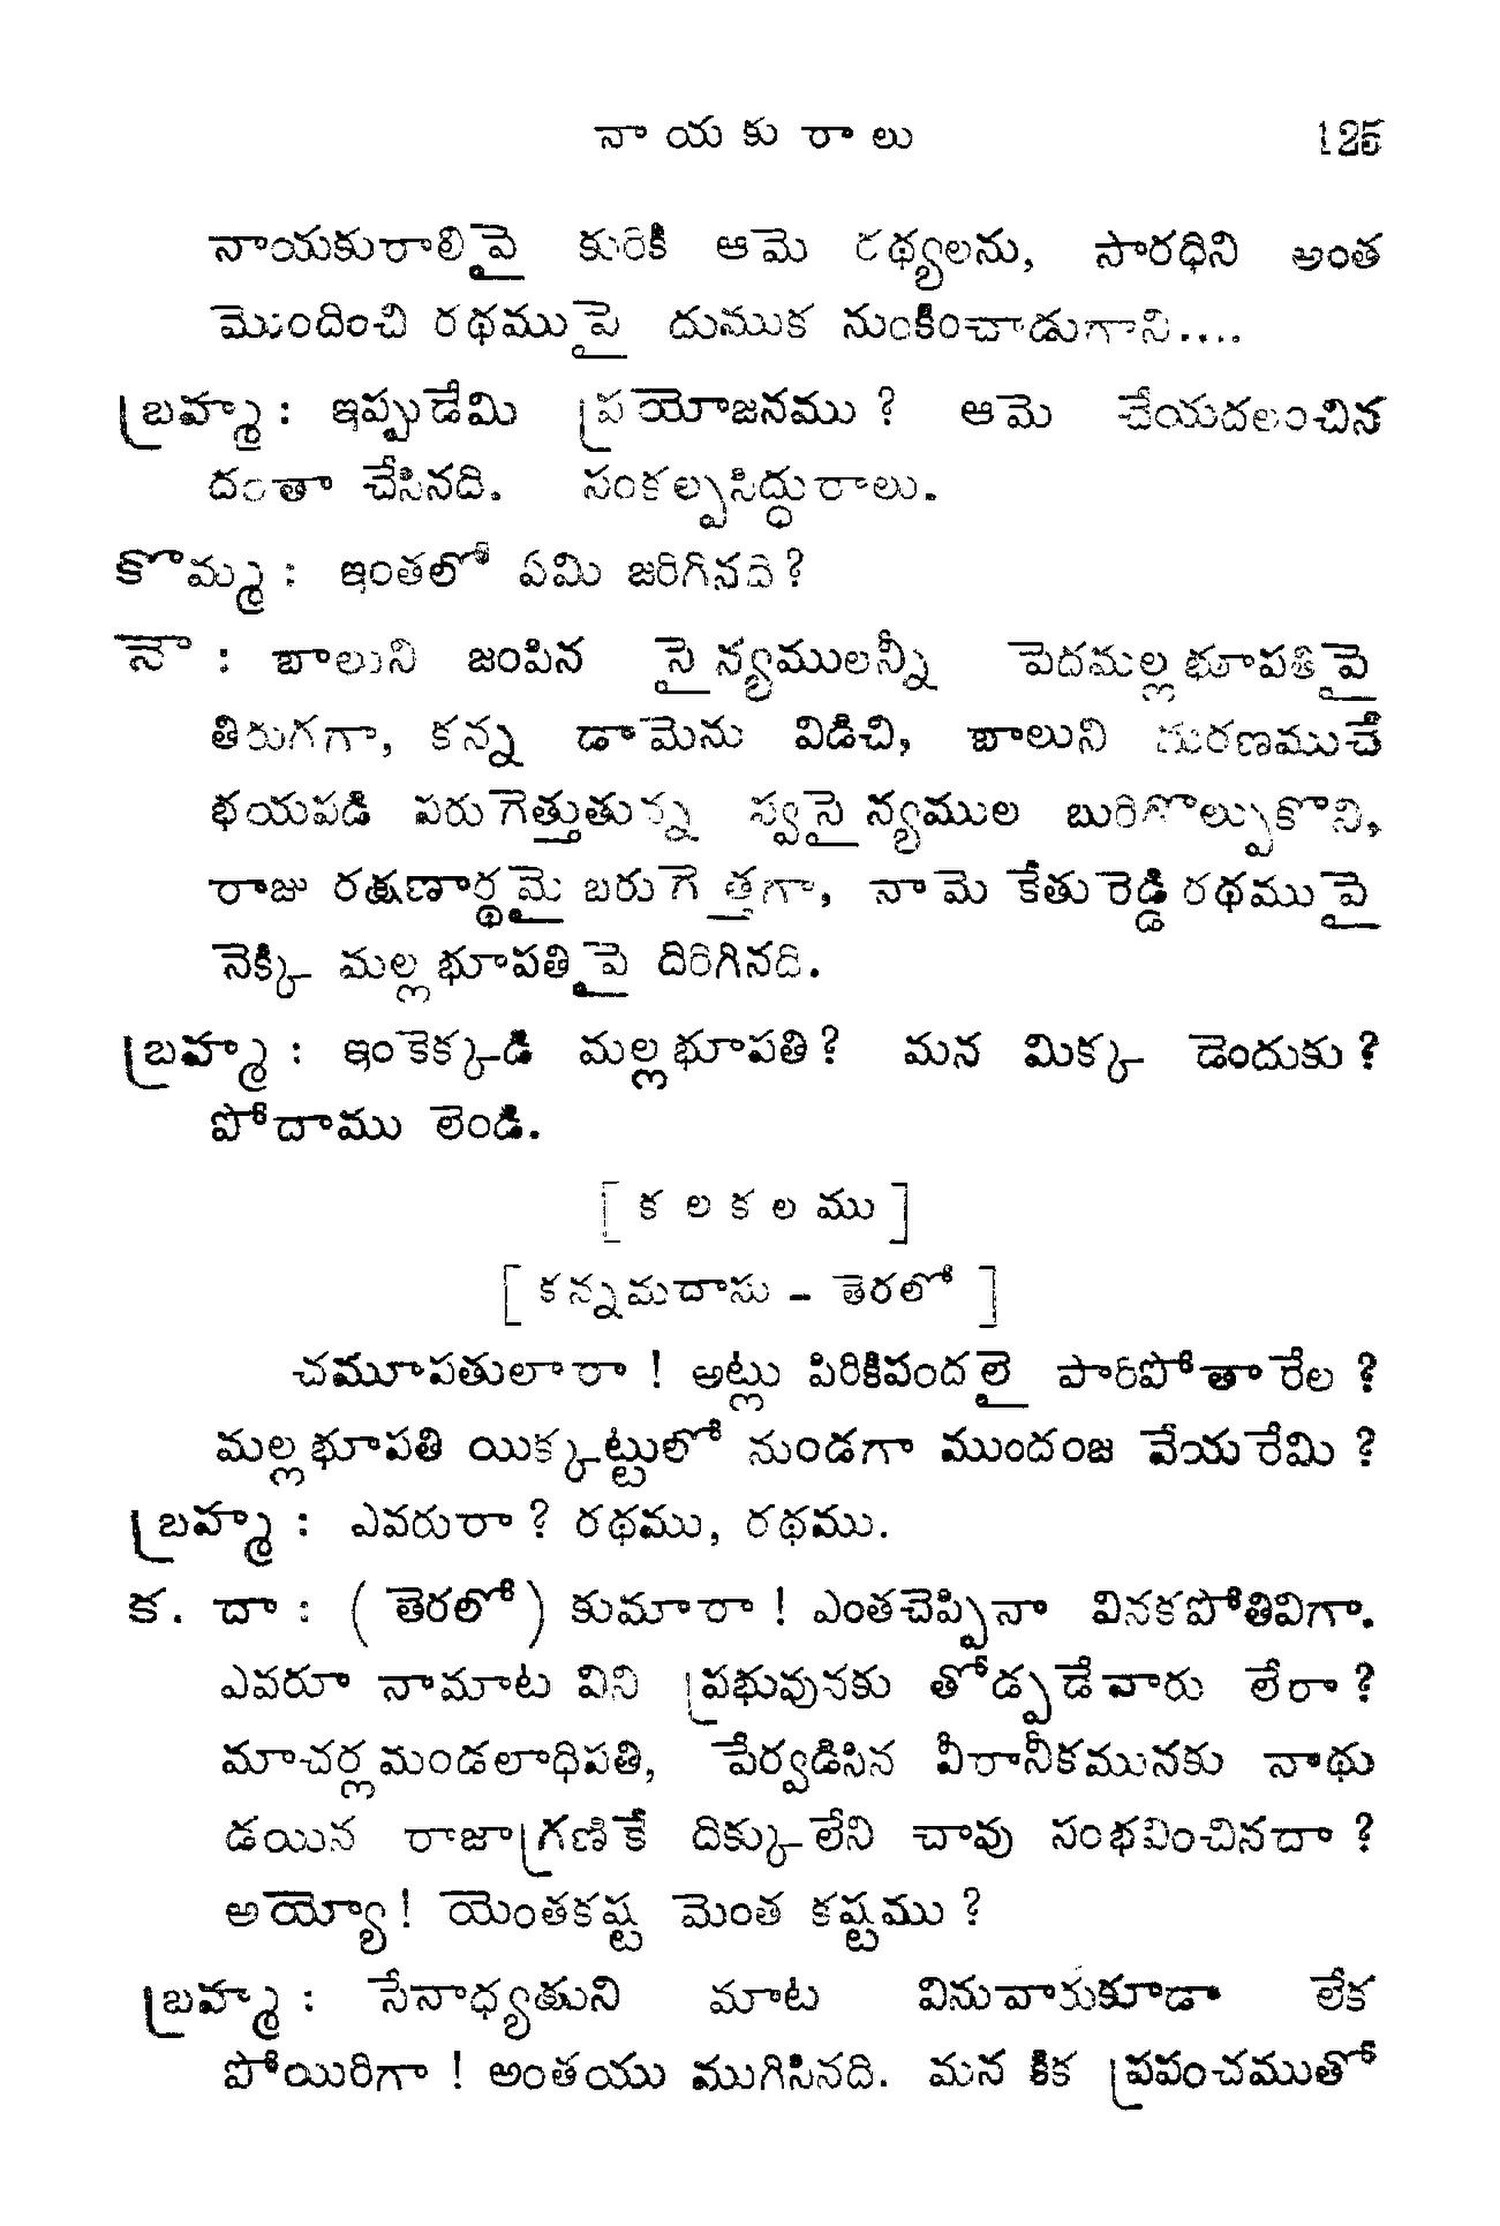నాయకురాలిపై కురికి ఆమె రథ్యలను, సారధిని అంత మొందించి రథముపై దుముక నుంకించాడుగాని....

బ్రహ్మ : ఇప్పుడేమి ప్రయోజనము ? ఆమె చేయదలంచిన దంతా చేసినది. సంకల్పసిద్ధురాలు.

కొమ్మ : ఇంతలో ఏమి జరిగినది ?

నౌ : బాలుని జంపిన సైన్యములన్నీ పెదమల్లభూపతిపై తిరుగగా, కన్న డామెను విడిచి, బాలుని మరణముచే భయపడి పరుగెత్తుతున్న స్వసైన్యముల బురికొల్పుకొని, రాజు రక్షణార్థమై బరుగెత్తగా, నామె కేత రెడ్డి రథముపై నెక్కి మల్లభూపతిపై దిరిగినది.

బ్రహ్మ: ఇంకెక్కడి మల్లభూపతి ? మన మిక్క డెందుకు ? పోదాము లెండి.

చమూపతులారా ! అట్లు పిరికిపందలై పారిపోతారేల ? మల్లభూపతి యిక్కట్టులో నుండగా ముందంజ వేయరేమి ?

బ్రహ్మ : ఎవరురా ? రథము, రథము.

క. దా : ( తెరలో) కుమారా ! ఎంతచెప్పినా వినకపోతివిగా. ఎవరూ నామాట విని ప్రభువునకు తోడ్పడేవారు లేరా ? మాచర్లమండలాధిపతి, పేర్వడిసిన వీరానీకమునకు నాథుడయిన రాజాగ్రణికే దిక్కులేని చావు సంభవించినదా ? అయ్యో ! యెంతకష్ట మెంత కష్టము?

బ్రహ్మ : సేనాధ్యక్షుని మాట వినువారుకూడా లేక పోయిరిగా ! అంతయు ముగిసినది. మన కిక ప్రపంచముతో
?